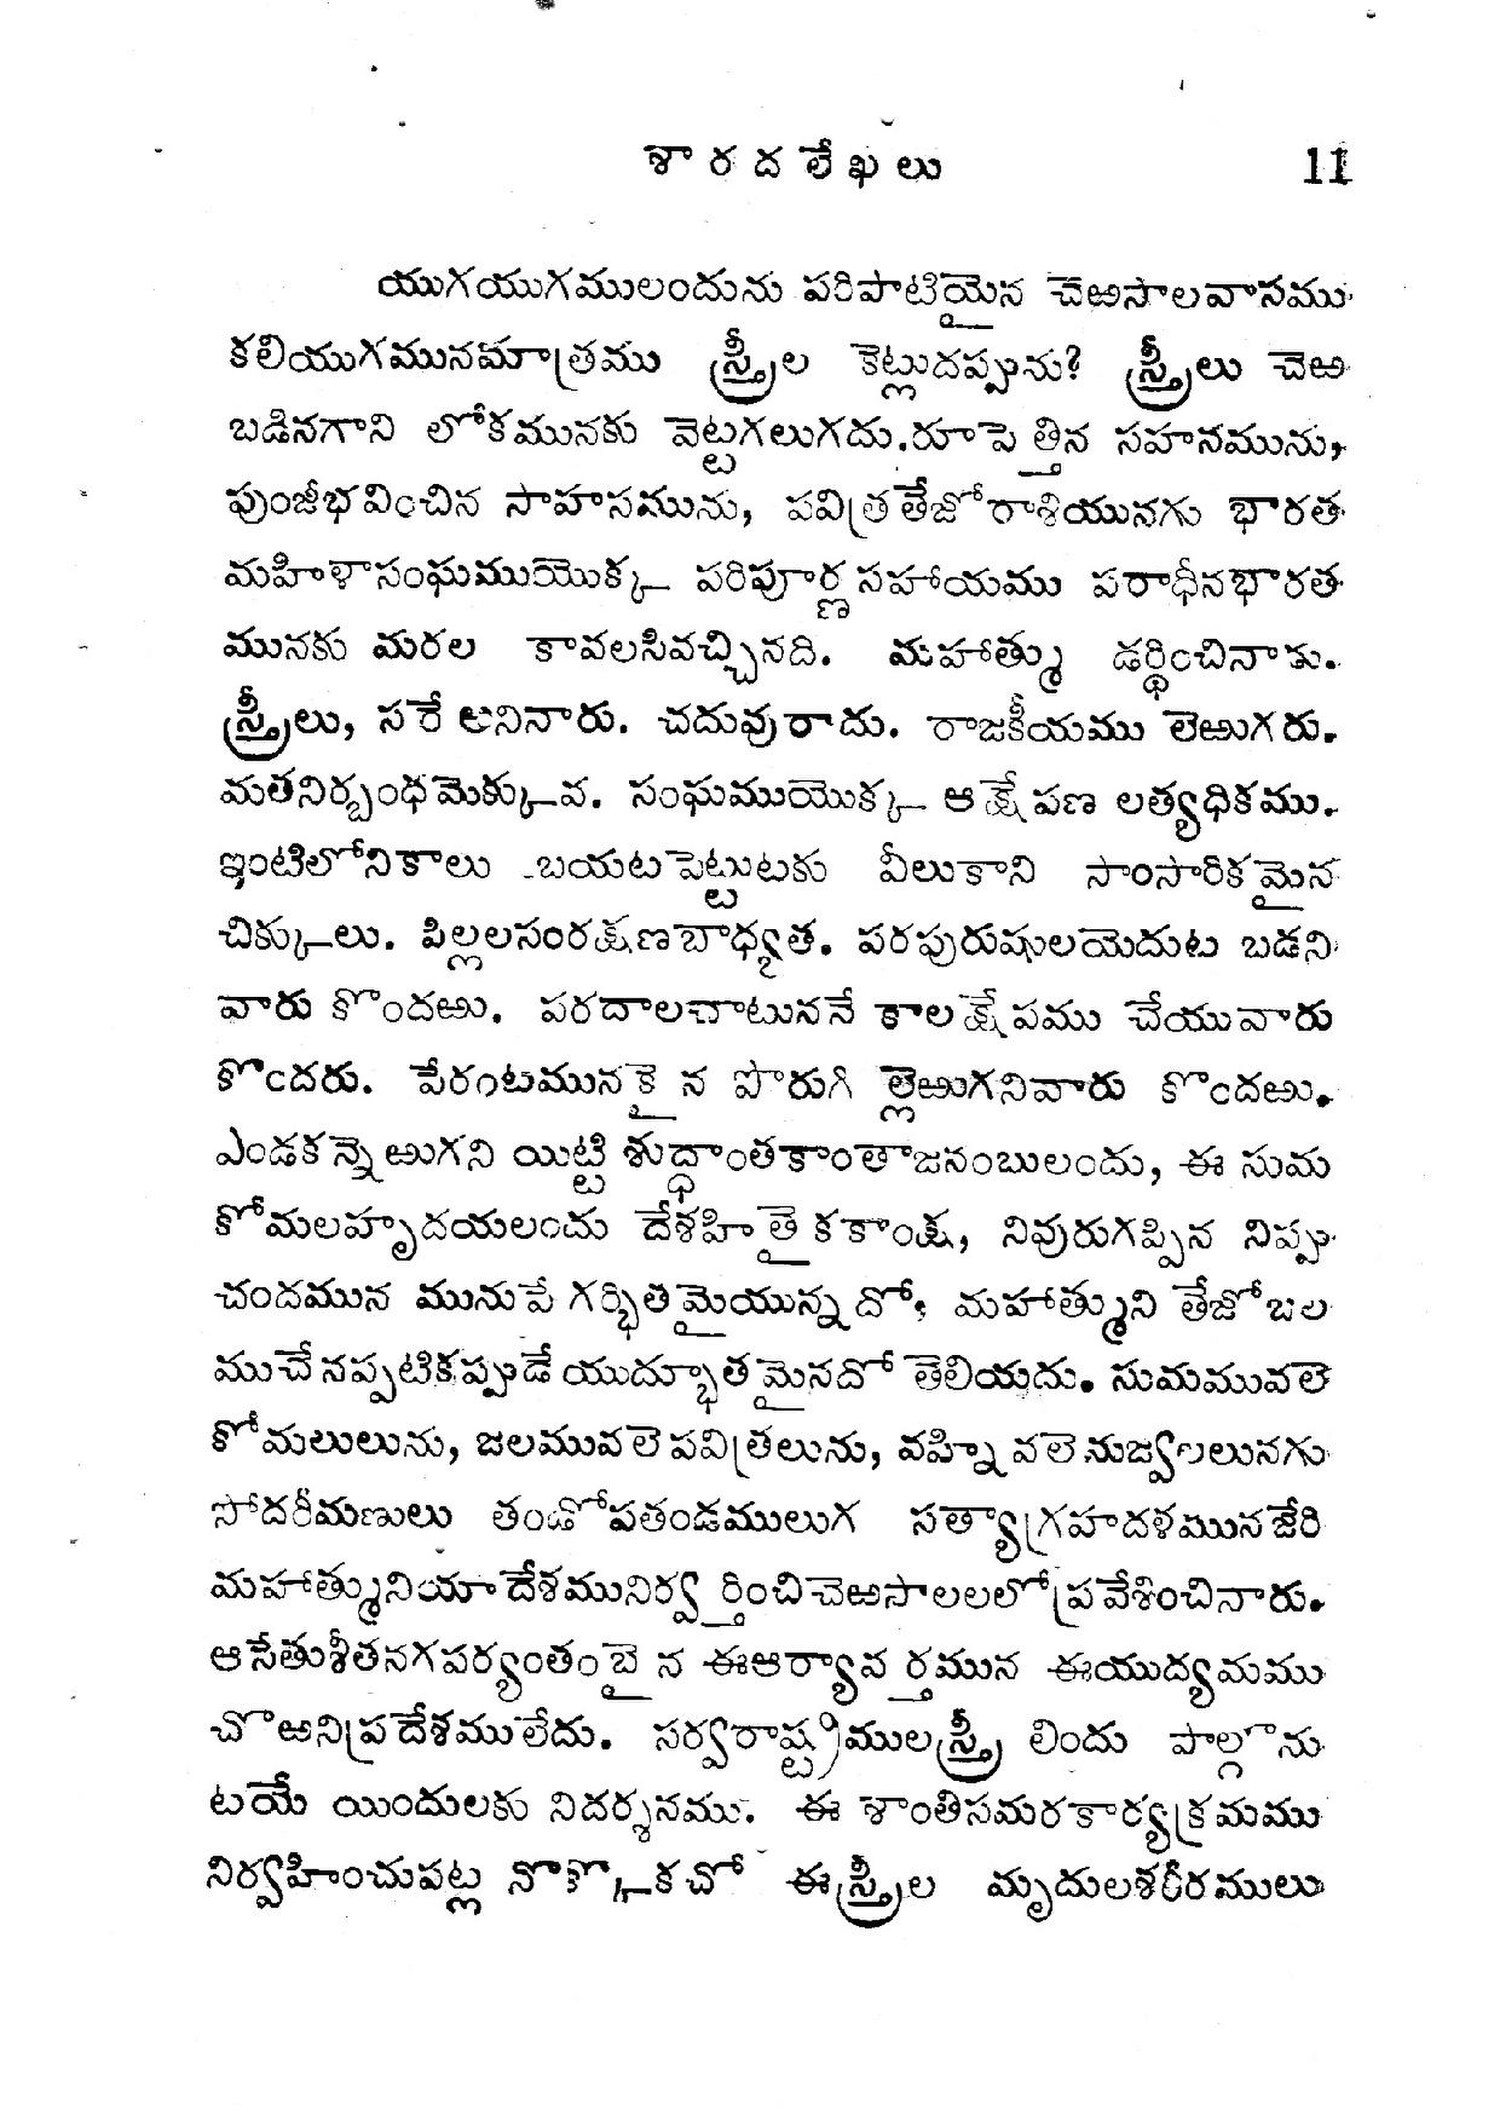యుగయుగములందును పరిపాటియైన చెఱసాలవాసము.
కలియుగమునమాత్రము స్త్రీల కెట్లుదప్పును? స్త్రీలు చెఱ
బడినగాని లోకమునకు వెట్టగలుగదు. రూపెత్తిన సహనమును,
పుంజీభవించిన సాహసమును, పవిత్రతేజోరాశియునగు భారత
మహిళాసంఘము యొక్క పరిపూర్ణ సహాయము పరాధీనభారత
మునకు మరల కావలసివచ్చినది. మహాత్ము డర్థించినాకు.
స్త్రీలు, సరే అనినారు. చదువురాదు. రాజకీయము లెఱుగరు.
మత నిర్బంధ మెక్కువ. సంఘముయొక్క ఆక్షేపణ అత్యధికము.
ఇంటిలోనికాలు – బయట పెట్టుటకు వీలుకాని సాంసారికమైన
చిక్కులు. పిల్లల సంరక్షణ బాధ్యత. పరపురుషులయెదుట బడని
వారు కొందఱు. పరదాల చాటుననే కాలక్షేపము చేయువారు
కొందరు. పేరంటమునకై న పొరుగి ల్లెఱుగనివారు కొందఱు.
ఎండకన్నెఱుగని యిట్టి శుద్ధాంత కాంతాజనంబులందు, ఈ సుమ
కోమలహృదయలందు దేశహితై కకాంక్ష, నివురుగప్పిన నిప్పు.
చందమున మునుపే గర్భితమైయున్నదో, మహాత్ముని తేజోబల
ముచే నప్పటికప్పుడే యుద్భూతమైనదో తెలియదు. సుమమువలె
కోమలులును, జలమువలె పవిత్రలును, వహ్నివలెనుజ్వలలునగు
సోదరీమణులు తండోపతండములుగ సత్యాగ్రహదళమున జేరి
మహాత్మునియా దేశమునిర్వ ర్తించి చెఱసాలలలో ప్రవేశించినారు.
ఆసేతుశీతనగపర్యంతం బైన ఈఆర్యావర్తమున ఈయుద్యమము
చొఱని ప్రదేశములేదు. సర్వరాష్ట్రముల స్త్రీ లిందు పాల్గొను
టయే యిందులకు నిదర్శనము. ఈ శాంతిసమర కార్యక్రమము
నిర్వహించుపట్ల నొక్కొకచో ఈ స్త్రీల మృదులశరీరములు